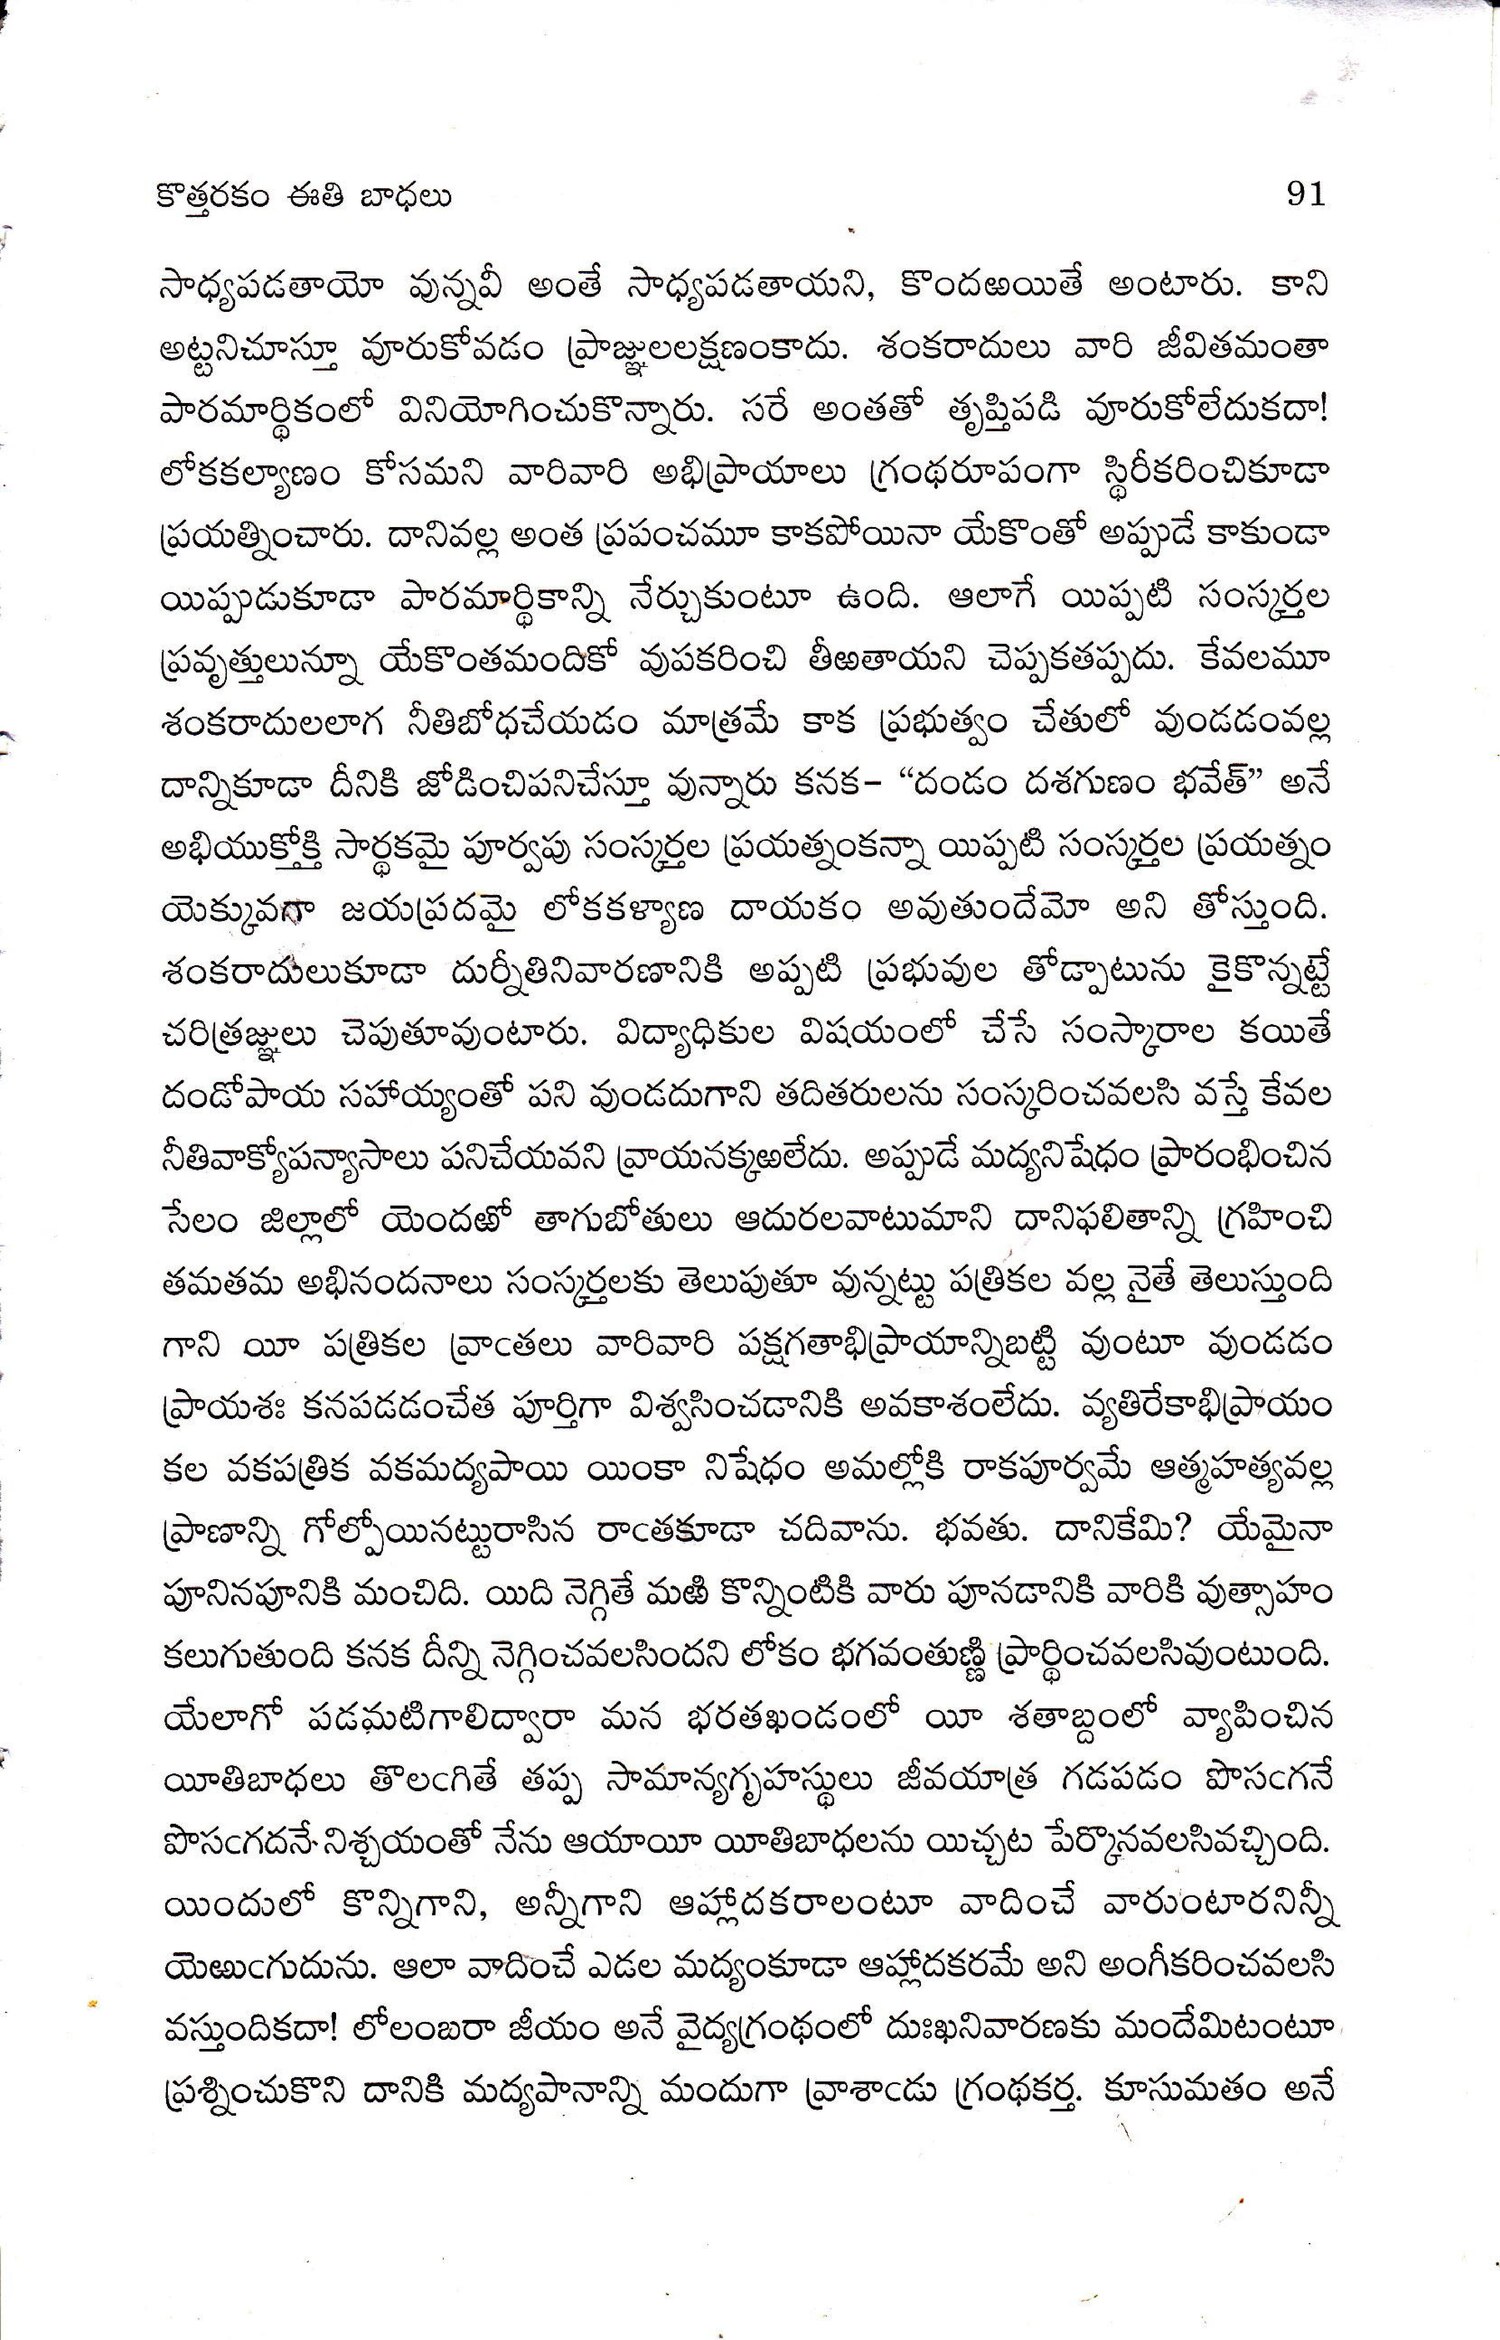సాధ్యపడతాయో వున్నవీ అంతే సాధ్యపడతాయని, కొందఱయితే అంటారు. కాని అట్టనిచూస్తూ వూరుకోవడం ప్రాజ్ఞలలక్షణంకాదు. శంకరాదులు వారి జీవితమంతా పారమార్థికంలో వినియోగించుకొన్నారు. సరే అంతతో తృప్తిపడి వూరుకోలేదుకదా! లోకకల్యాణం కోసమని వారివారి అభిప్రాయాలు గ్రంథరూపంగా స్థిరీకరించికూడా ప్రయత్నించారు. దానివల్ల అంత ప్రపంచమూ కాకపోయినా యేకొంతో అప్పడే కాకుండా యిప్పడుకూడా పారమార్థికాన్ని నేర్చుకుంటూ ఉంది. ఆలాగే యిప్పటి సంస్కర్తల ప్రవృత్తులున్నూ యేకొంతమందికో వుపకరించి తీఱతాయని చెప్పకతప్పదు. కేవలమూ శంకరాదులలాగ నీతిబోధచేయడం మాత్రమే కాక ప్రభుత్వం చేతులో వుండడంవల్ల దాన్నికూడా దీనికి జోడించిపనిచేస్తూ వున్నారు కనక– “దండం దశగుణం భవేత్" అనే అభియుక్రోక్తి సార్థకమై పూర్వపు సంస్కర్తల ప్రయత్నంకన్నాయిప్పటి సంస్కర్తల ప్రయత్నం యొక్కువగా జయప్రదమై లోకకళ్యాణ దాయకం అవుతుందేమో అని తోస్తుంది. శంకరాదులుకూడా దుర్నీతినివారణానికి అప్పటి ప్రభువుల తోడ్పాటును కైకొన్నట్టే చరిత్రజ్ఞలు చెపుతూవుంటారు. విద్యాధికుల విషయంలో చేసే సంస్కారాల కంుతే దండోపాయ సహాయ్యంతో పని వుండదుగాని తదితరులను సంస్కరించవలసి వస్తే కేవల నీతివాక్యోపన్యాసాలు పనిచేయవని వ్రాయనక్కఱలేదు. అప్పుడే మద్యనిషేధం ప్రారంభించిన సేలం జిల్లాలో యెందటో తాగుబోతులు ఆదురలవాటుమాని దానిఫలితాన్ని గ్రహించి తమతమ అభినందనాలు సంస్కర్తలకు తెలుపుతూ వున్నట్టు పత్రికల వల్ల నైతే తెలుస్తుంది గాని యీ పత్రికల వ్రాఁతలు వారివారి పక్షగతాభిప్రాయాన్నిబట్టి వుంటూ వుండడం ప్రాయశః కనపడడంచేత పూర్తిగా విశ్వసించడానికి అవకాశంలేదు. వ్యతిరేకాభిప్రాయం కల వకపత్రిక వకమద్యపాయి యింకా నిషేధం అమల్లోకి రాకపూర్వమే ఆత్మహత్యవల్ల ప్రాణాన్ని గోల్పోయినట్టురాసిన రాంతకూడా చదివాను. భవతు. దానికేమి? యేమైనా పూనినపూనికి మంచిది. యిది నెగ్గితే మటి కొన్నింటికి వారు పూనడానికి వారికి వుత్సాహం కలుగుతుంది కనక దీన్ని నెగ్గించవలసిందని లోకం భగవంతుణ్ణి ప్రార్థించవలసివుంటుంది. యేలాగో పడమటిగాలిద్వారా మన భరతఖండంలో యీ శతాబ్దంలో వ్యాపించిన యీతిబాధలు తొలంగితే తప్ప సామాన్యగృహస్టులు జీవయాత్ర గడపడం పొసంగనే పొసంగదనే నిశ్చయంతో నేను ఆయాయి యీతిబాధలను యిచ్చట పేర్కొనవలసివచ్చింది. యిందులో కొన్నిగాని, అన్నీగాని ఆహ్లాదకరాలంటూ వాదించే వారుంటారనిన్నీ యెఱుంగుదును. ఆలా వాదించే ఎడల మద్యంకూడా ఆహ్లాదకరమే అని అంగీకరించవలసి వస్తుందికదా! లోలంబరా జీయం అనే వైద్యగ్రంథంలో దుఃఖనివారణకు మందేమిటంటూ ప్రశ్నించుకొని దానికి మద్యపానాన్ని మందుగా వ్రాశాఁడు గ్రంథకర్త. కూసుమతం అనే
\